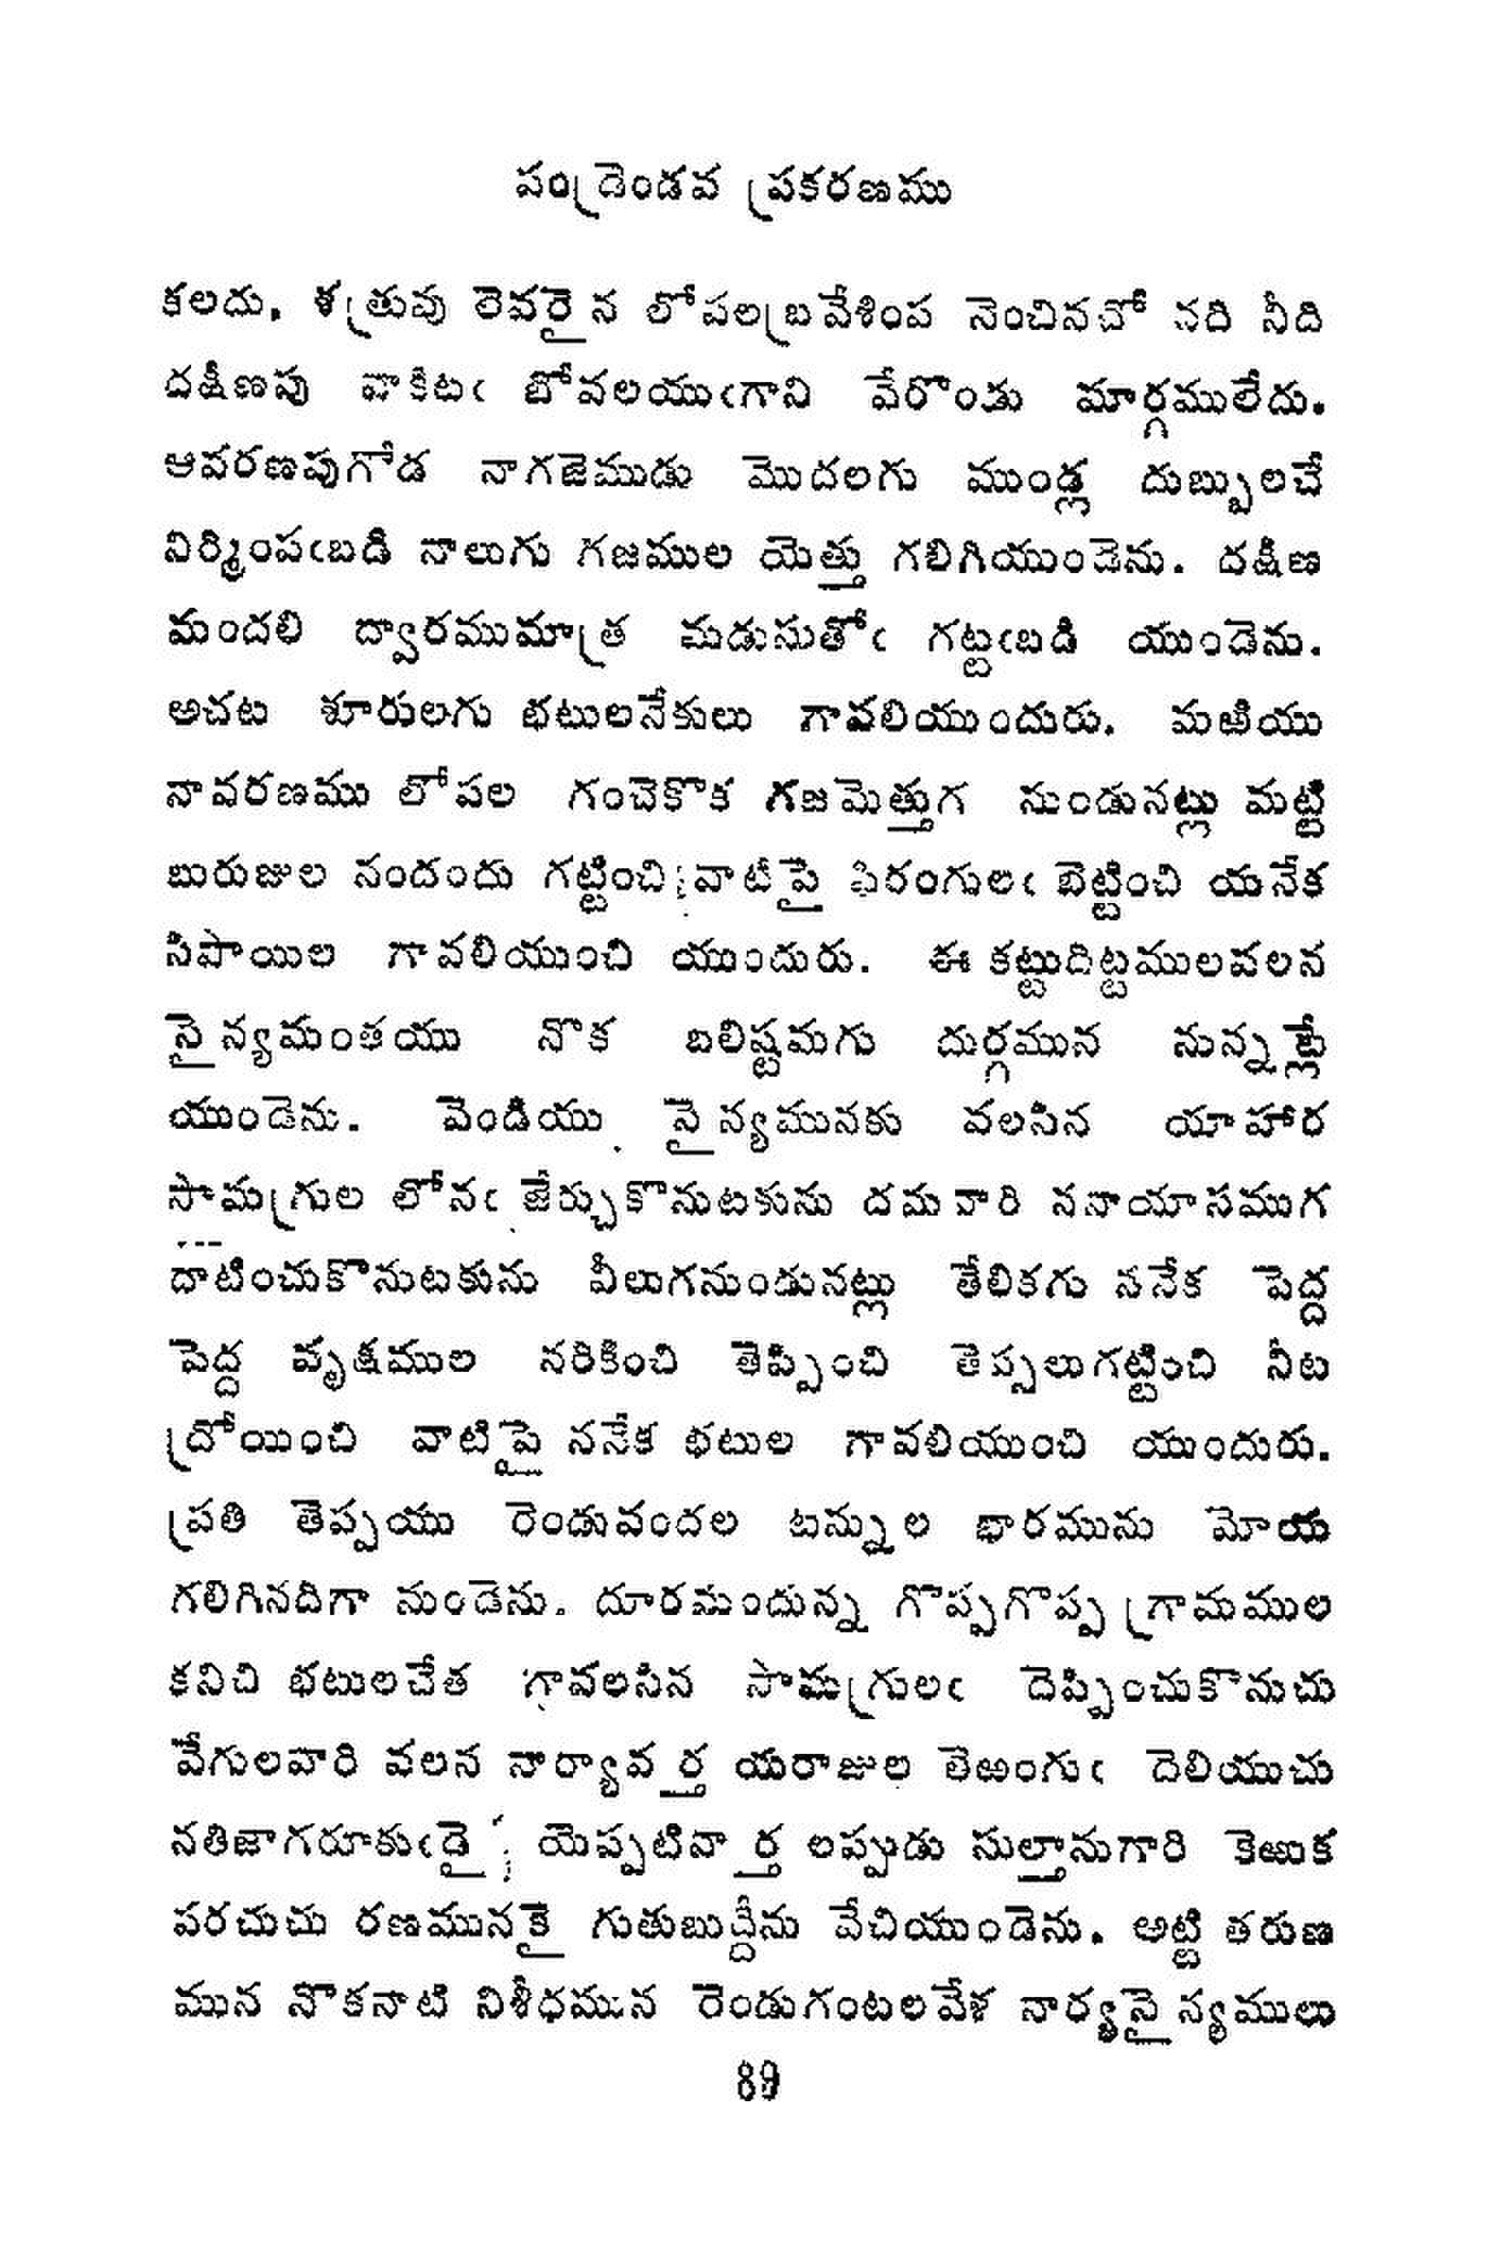కలదు. శత్రువు లెవరైన లోపలబ్రవేశింప నెంచినచో నది నీది దక్షిణపు వాకిటఁ బోవలయుఁగాని వేరొండు మార్గములేదు. ఆవరణపుగోడ నాగజెముడు మొదలగు ముండ్ల దుబ్బులచే నిర్మింపఁబడి నాలుగు గజముల యెత్తు గలిగియుండెను. దక్షిణ మందలి ద్వారముమాత్ర మడుసుతోఁ గట్టఁబడి యుండెను. అచట శూరులగు భటులనేకులు గావలియుందురు. మఱియు నావరణము లోపల గంచెకొక గజమెత్తుగ నుండునట్లు మట్టి బురుజుల నందందు గట్టించి వాటిపై ఫిరంగులఁ బెట్టించి యనేక సిపాయిల గావలియుంచి యుందురు. ఈ కట్టుదిట్టములవలన సైన్యమంతయు నొక బలిష్టమగు దుర్గమున నున్నట్లే యుండెను. వెండియు. సైన్యమునకు వలసిన యాహార సామగ్రుల లోనఁ జేర్చుకొనుటకును దమవారి ననాయాసముగ దాటించుకొనుటకును వీలుగనుండునట్లు తేలికగు ననేక పెద్ద పెద్ద వృక్షముల నరికించి తెప్పించి తెప్పలుగట్టించి నీటద్రోయించి వాటిపై ననేక భటుల గావలియుంచి యుందురు. ప్రతి తెప్పయు రెండువందల టన్నుల భారమును మోయ గలిగినదిగా నుండెను. దూరమందున్న గొప్ప గొప్ప గ్రామముల కనిచి భటులచేత గావలసిన సామగ్రులఁ దెప్పించుకొనుచు వేగులవారి వలన నార్యావర్త యరాజుల తెఱంగుఁ దెలియుచు నతిజాగరూకుఁడై, యెప్పటివార్త లప్పుడు సుల్తానుగారి కెఱుక పరచుచు రణమునకై గుతుబుద్దీను వేచియుండెను. అట్టి తరుణమున నొకనాటి నిశీధమున రెండుగంటలవేళ నార్యసైన్యములు